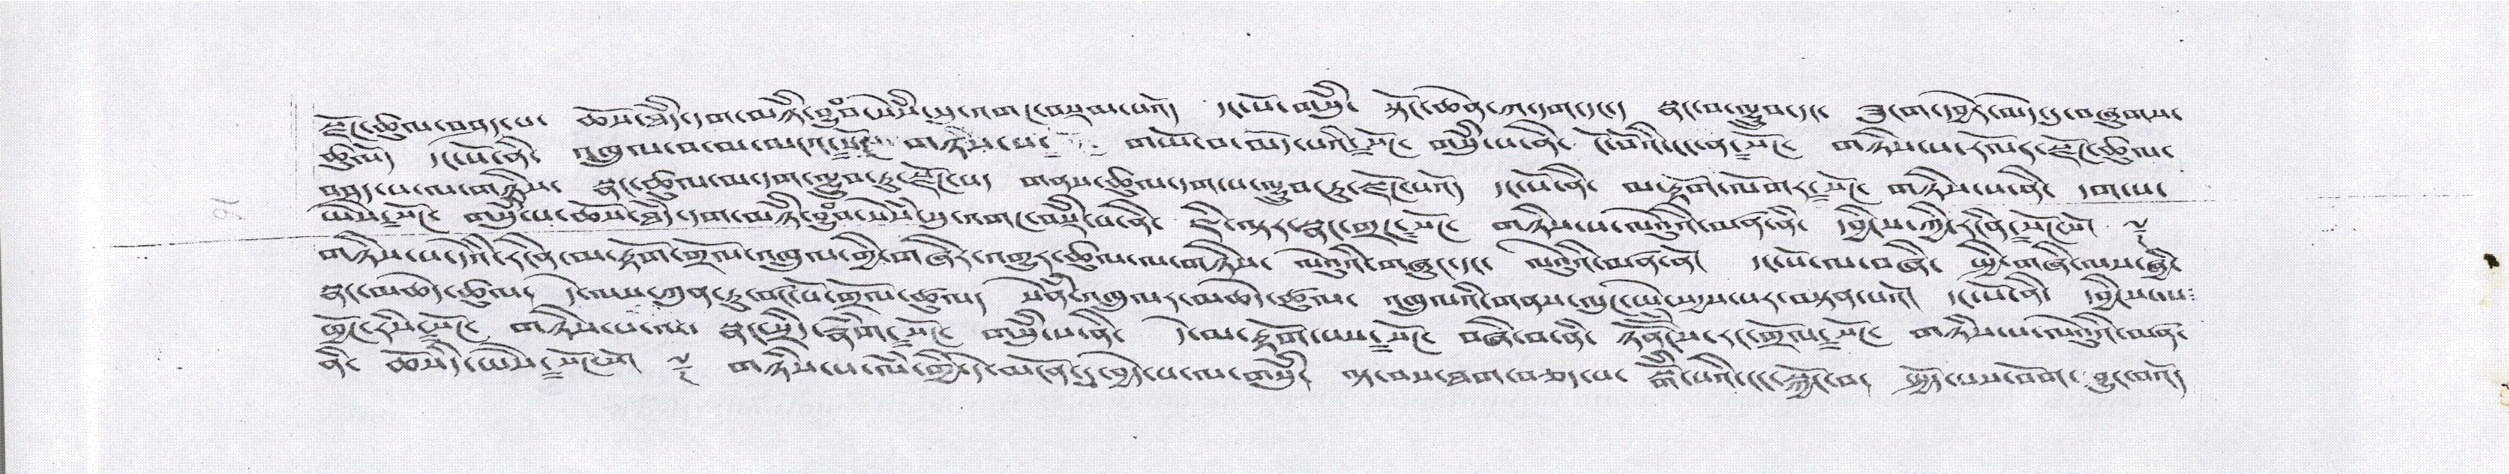རྫོགས་ཚུལ་བཤད་པ། ཆོས་ཉིད་དག་མཉམ་བྱང་ཆུབ་སེམས་སུ་འགག་བསྡམ་པའོ། དང་པོ་ལ་གསུམ། སྟོང་ཆེན་ཀ་དག་དང་། སྣང་བ་ལྷུན་གྲུབ། ཟུང་འཇུག་དབྱེར་མེད་དུ་བཞུགས་
ཚུལ་ལོ། དང་པོ་ནི། འཁྲུལ་པ་མི་མངའ༑ སོགས། གཉིས་པ་གཡོ་བ་མེད་པའི༑ སོགས། གསུམ་པ་ནི། ངོ་བོའི་ངང་ན༑ སོགས། གཉིས་པ་རོལ་པར་རྫོགས་ཚུལ་
བཤད་པ་ལ་གཉིས། སྣང་ཚུལ་མ་དག་ལྷུན་གྲུབ་ཏུ་རྫོགས་རྫོགས་པ། གནས་ཚུལ་དག་པ་ལྷུན་གྲུབ་ཏུ་རྫོགས་པའོ། དང་པོ་ནི། མ་རྟོགས་ལོག་པར༑ གཉིས་པ་ཆོས་ཐམས་ཅད་དག་
མཉམ་བྱང་ཆུབ་སེམས་སུ་འགག་བསྡམས་པ་ནི། ཇི་ལྟར་སྣང་གྲགས༑ སོགས། གཉིས་པ་ལེའུའི་མཚན་ནི། དབྱིངས་ཀྱི་རང་བཞིན༑ སོགས་སོ། 
གཉིས་པ་དེའི་རང་བཞིན་མ་རྟོགས་གྲོལ་འཁྲུལ་གྱི་གཞིར་འགྱུར་ཚུལ་ལ་གཉིས། ལེའུའི་གཞུང་དང་། ལེའུའི་མཚན་ནོ། དང་པོ་ལ་གཞི། སྤྱི་གཞི་ལས་གཞི་
སྣང་མཆེད་ཚུལ། དེ་ལས་ཀུན་ཏུ་བཟང་པོ་གྲོལ་ཚུལ། སེམས་ཅན་འཁྲུལ་པར་མཆེད་ཚུལ། འཁྲུལ་པའི་གནས་ལུགས་ཡེ་སངས་རྒྱས་པར་བསྟན་པའོ། དང་པོ་ནི། དབྱིངས་ལ་
ཕྱོགས་རིས༑ སོགས། གཉིས་པ་ལ། སྣང་སྲིད་རྣམ་དག སོགས། གསུམ་པ་ནི། དེ་མ་རྟོགས་པས༑ སོགས། བཞི་པ་ནི། ཉོན་མོངས་རང་གྲོལ༑ སོགས། གཉིས་པ་ལེའུའི་མཚན་
ནི། ཆོས་ཉིད་ཡེ་ཤེས༑ སོགས་སོ། ༧ གཉིས་པ་ལམ་གྱི་དེ་མངོན་དུ་བྱེད་པ་ལ་གསུམ། ལྟ་བས་ཐག་བཅད་པ། སྒོམ་པའི་ངང་སྐྱོང་བ། སྤྱོད་པས་བོགས་དབྱུང་བའོ། ༼འདིར་ཤོག་ངོས་གཉིས་ཆད་པ་འདྲ།༽